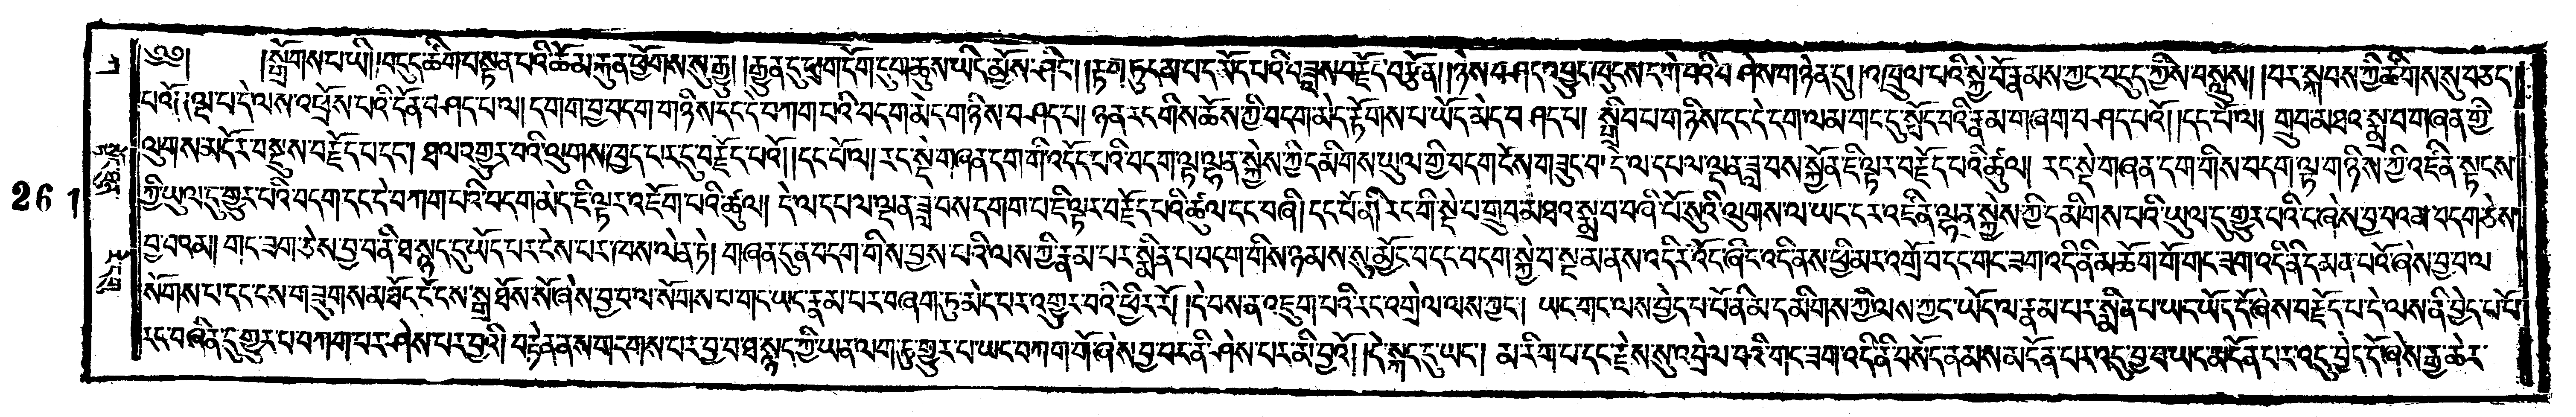༄༅། །སྒྲོགས་པ་ཡི། །བདུད་ཚིག་བསྟན་པའི་ཆོམ་རྐུན་ཕྱོགས་སུ་རྒྱུ། །རྒྱུན་དུ་ཕྲག་དོག་དུག་ཆུས་ཡིད་མྱོས་ཤིང་། །རྟག་ཏུ་དམ་པ་དམོད་པའི་བཟླས་བརྗོད་བརྩོན། །ཉེས་བཤད་འབྱུང་ཁུངས་དགེ་བའི་བཤེས་གཉེན་དུ། །འཁྲུལ་པའི་སྐྱེ་བོ་རྣམས་ཀྱང་བདུད་ཀྱིས་བསླུས། །བར་སྐབས་ཀྱི་ཚིགས་སུ་བཅད་
པའོ༑ ༑ལྔ་པ་དེ་ལས་འཕྲོས་པའི་དོན་བཤད་པ་ལ། དགག་བྱ་བདག་གཉིས་དང་དེ་བཀག་པའི་བདག་མེད་གཉིས་བཤད་པ། ཉན་རང་གིས་ཆོས་ཀྱི་བདག་མེད་རྟོགས་པ་ཡོད་མེད་བཤད་པ། སྒྲིབ་པ་གཉིས་དང་དེ་དག་ལམ་གང་དུ་སྤོང་བའི་རྣམ་གཞག་བཤད་པའོ། །དང་པོ་ལ། གྲུབ་མཐའ་སྨྲ་བ་གཞན་གྱི་
ལུགས་མདོར་བསྡུས་བརྗོད་པ་དང་། ཐལ་འགྱུར་བའི་ལུགས་ཁྱད་པར་དུ་བརྗོད་པའོ། །དང་པོ་ལ། རང་སྡེ་གཞན་དག་གི་འདོད་པའི་བདག་ལྟ་ལྷན་སྐྱེས་ཀྱི་དམིགས་ཡུལ་གྱི་བདག་ངོས་གཟུང་བ། དེ་ལ་དཔལ་ལྡན་ཟླ་བས་སྐྱོན་ཇི་ལྟར་བརྗོད་པའི་ཚུལ། རང་སྡེ་གཞན་དག་གིས་བདག་ལྟ་གཉིས་ཀྱི་འཛིན་སྟངས་
ཀྱི་ཡུལ་དུ་གྱུར་པའི་བདག་དང་དེ་བཀག་པའི་བདག་མེད་ཇི་ལྟར་འཇོག་པའི་ཚུལ། དེ་ལ་དཔལ་ལྡན་ཟླ་བས་དགག་པ་ཇི་ལྟར་བརྗོད་པའི་ཚུལ་དང་བཞི། དང་པོ་ནི། རང་གི་སྡེ་པ་གྲུབ་མཐའ་སྨྲ་བ་བཞི་པོ་སུའི་ལུགས་ལ་ཡང་ངར་འཛིན་ལྷན་སྐྱེས་ཀྱི་དམིགས་པའི་ཡུལ་དུ་གྱུར་པའི་ང་ཞེས་བྱ་བའང་བདག་ཅེས་
བྱ་བའམ། གང་ཟག་ཅེས་བྱ་བ་ནི་ཐ་སྙད་དུ་ཡོད་པར་དེས་པར་ཁས་ལེན་ཏེ། གཞན་དུ་ན་བདག་གིས་བྱས་པའི་ལས་ཀྱི་རྣམ་པར་སྨིན་པ་བདག་གིས་ཉམས་སུ་མྱོང་བ་དང་བདག་སྐྱེ་བ་སྔ་མ་ནས་འདིར་འོང་ཞིང་འདི་ནས་ཕྱི་མར་འགྲོ་བ་དང་གང་ཟག་འདི་ནི་མཆོག་གོ་གང་ཟག་འདི་ནི་དམན་པའོ་ཞེས་བྱ་བ་ལ་
སོགས་པ་དང་ངས་གཟུགས་མཐོང་ངོ་ངས་སྒྲ་ཐོས་སོ་ཞེས་བྱ་བ་ལ་སོགས་པ་གང་ཡང་རྣམ་པར་བཞག་ཏུ་མེད་པར་འགྱུར་བའི་ཕྱིར་རོ། །དེ་བས་ན་འཇུག་པའི་རང་འགྲེལ་ལས་ཀྱང་། ཡང་གང་ལས་བྱེད་པ་པོ་ནི་མ་དམིགས་ཀྱི་ལས་ཀྱང་ཡོད་ལ་རྣམ་པར་སྨིན་པ་ཡང་ཡོད་དོ་ཞེས་བརྗོད་པ་དེ་ལས་ནི་བྱེད་པ་པོ་
རང་བཞིན་དུ་གྱུར་པ་བཀག་པར་ཤེས་པར་བྱའི། བརྟེན་ནས་གདགས་པར་བྱ་བ་ཐ་སྙད་ཀྱི་ཡན་ལག་ཏུ་གྱུར་པ་ཡང་བཀག་གོ་ཞེས་བྱ་བར་ནི་ཤེས་པར་མི་བྱའོ། །དེ་སྐད་དུ་ཡང་། མ་རིག་པ་དང་རྗེས་སུ་འབྲེལ་བའི་གང་ཟག་འདི་ནི་བསོད་ནམས་མངོན་པར་འདུ་བྱ་བ་ཡང་མངོན་པར་འདུ་བྱེད་དོ་ཞེས་རྒྱ་ཆེར་